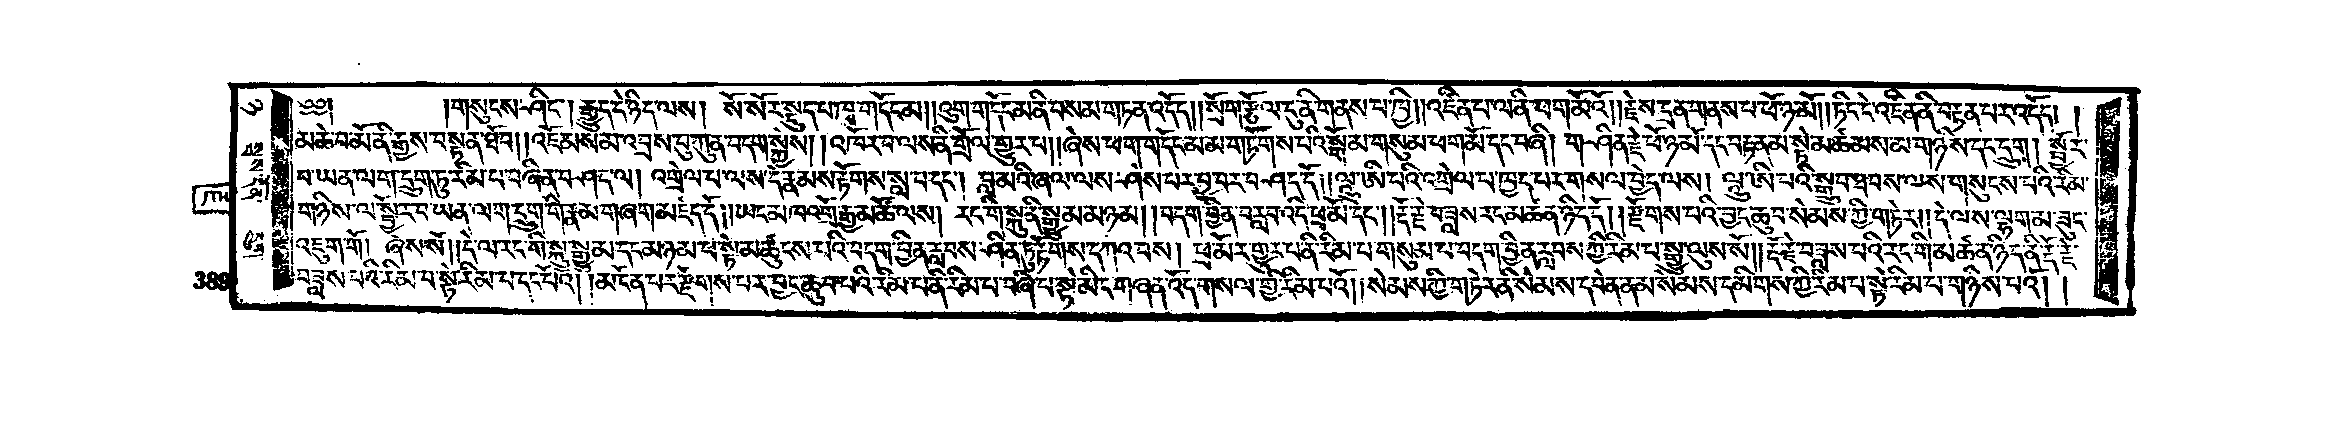༄༅། །གསུངས་ཤིང་། རྒྱུད་དེ་ཉིད་ལས། སོ་སོར་སྡུད་པ་ཁྭ་གདོང་མ། །འུག་གདོང་མ་ནི་བསམ་གཏན་འདོད། །སྲོག་རྩོལ་དུ་ནི་གནས་པ་ཁྱི། །འཛིན་པ་ལ་ནི་ཕག་མོའོ། །རྗེས་དྲན་གནས་པ་ཕོ་ཉ་མོ། །ཏིང་ངེ་འཛིན་ནི་བརྟན་པར་འདོད། །
མཆེ་བ་མོ་ནི་རྒྱས་བསྟན་ཐོབ། །འཇོམས་མ་འབྲས་བུ་ཀུན་བདག་སྐྱེས། །འཁོར་བ་ལས་ནི་གྲོལ་གྱུར་པ། །ཞེས་ཕག་གདོང་མམ་གཏོགས་པའི་སྒོ་མ་གསུམ་ཕག་མོ་དང་བཞི། གཤིན་རྗེ་ཕོ་ཉ་མོ་དང་བརྟན་མ་སྟེ་མཚམས་མ་གཉིས་དང་དྲུག །སྦྱོར་
བ་ཡན་ལག་དྲུག་ཏུ་རིམ་པ་བཞིན་བཤད་ལ། འགྲེལ་པ་ལས་དེ་རྣམས་རྟོགས་སླ་བ་དང་། བླ་མའི་ཞལ་ལས་ཤེས་པར་བྱ་བར་བཤད་དོ། །ལཱུ་ཨི་པའི་འགྲེལ་པ་ཁྱད་པར་གསལ་བྱེད་ལས། ལཱུ་ཨི་པའི་སྒྲུབ་ཐབས་ལས་གསུངས་པའི་རིམ་
གཉིས་ལ་སྦྱོར་བ་ཡན་ལག་དྲུག་གི་རྣམ་གཞག་མཛད་དོ། །ཡང་མཁའ་འགྲོ་རྒྱ་མཚོ་ལས། རང་གི་སྐུ་ནི་སྒྱུ་མ་མཉམ། །བདག་བྱིན་བརླབ་འདི་ཕྲ་མོ་དང་། །རྡོ་རྗེ་བཟླས་རང་མཚན་ཉིད་དོ། །རྫོགས་པའི་བྱང་ཆུབ་སེམས་ཀྱི་གཏེར། །དེ་ལས་ལྷག་མ་ཟུང་
འཇུག་གོ །ཞེས་སོ། །དེ་ལ་རང་གི་སྐུ་སྒྱུ་མ་དང་མཉམ་པ་སྟེ་མཚུངས་པའི་བདག་བྱིན་རླབས་ཤིན་ཏུ་རྟོགས་དཀའ་བས། ཕྲ་མོར་གྱུར་པ་ནི་རིམ་པ་གསུམ་པ་བདག་བྱིན་རླབས་ཀྱི་རིམ་པ་སྒྱུ་ལུས་སོ། །རྡོ་རྗེ་བཟླས་པའི་རང་གི་མཚན་ཉིད་ནི་རྡོ་རྗེ་
བཟླས་པའི་རིམ་པ་སྟེ་རིམ་པ་དང་པོའོ། །མངོན་པར་རྫོགས་པར་བྱང་ཆུབ་པའི་རིམ་པ་ནི་རིམ་པ་བཞི་པ་སྟེ་མིང་གཞན་འོད་གསལ་གྱི་རིམ་པའོ། །སེམས་ཀྱི་གཏེར་ནི་སེམས་དབེན་ནམ་སེམས་དམིགས་ཀྱི་རིམ་པ་སྟེ་རིམ་པ་གཉིས་པའོ། །